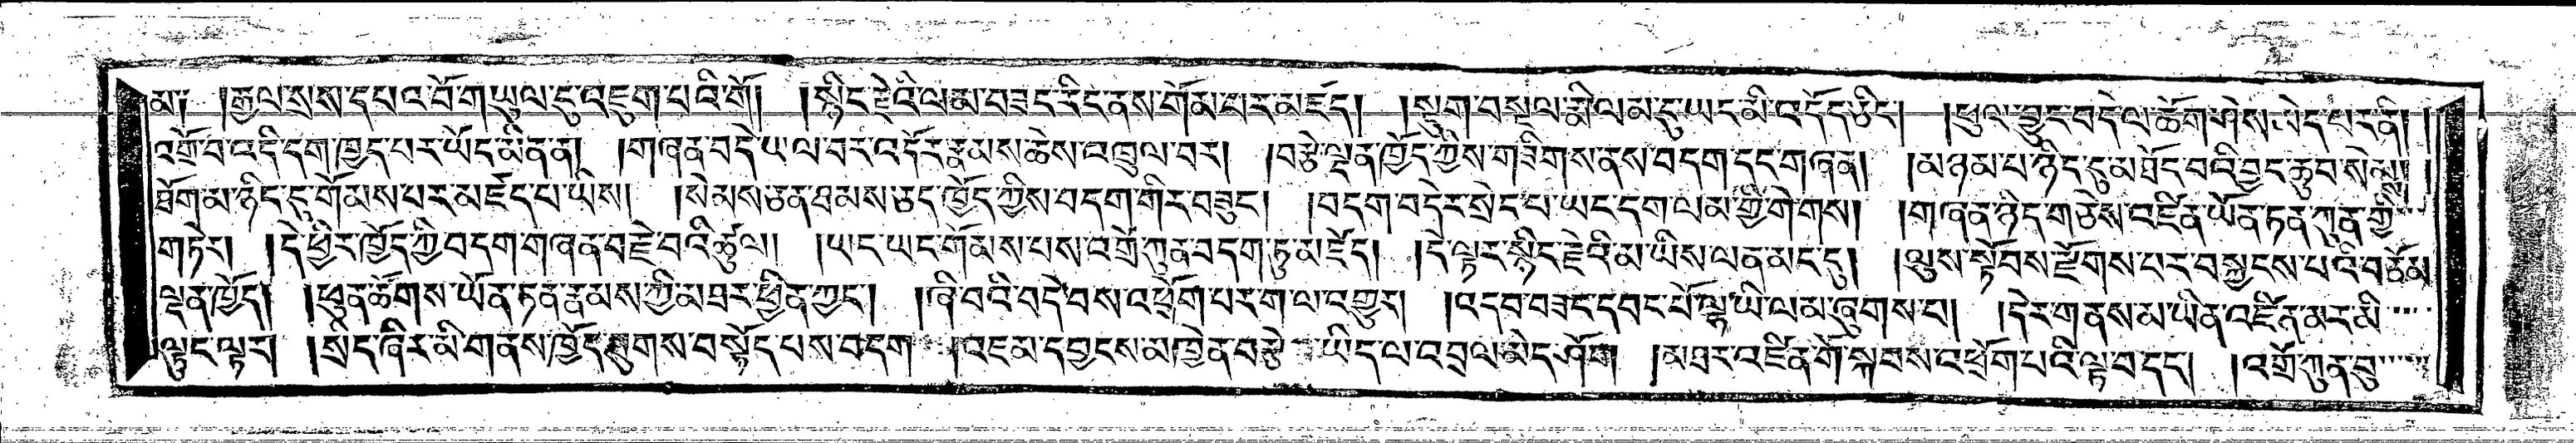མ༑ །རྒྱལ་སྲས་དཔའ་བོ་གཡུལ་དུ་འཇུག་པའི་གོ། །སྙིང་རྗེའི་ལམ་བཟང་རིང་ནས་གོམ་པར་མཛད། །སྡུག་བསྔལ་རྨི་ལམ་དུ་ཡང་མི་འདོད་ཅིང་། །ཕུལ་བྱུང་བདེ་ལ་ཆོག་ཤེས་མེད་པར་ནི། །
འགྲོ་བ་འདི་དག་ཁྱད་པར་ཡོང་མིན་ན། །གཞན་བདེ་ཡལ་བར་འདོར་རྣམས་ཆེས་འཁྲུལ་བར། །བརྩེ་ལྡན་ཁྱོད་ཀྱིས་གཟིགས་ནས་བདག་དང་གཞན། །མཉམ་པ་ཉིད་དུ་མཐོང་བའི་བྱང་ཆུབ་སེམས། །
ཐོག་མ་ཉིད་དུ་གོམས་པར་མཛད་པ་ཡིས། །སེམས་ཅན་ཐམས་ཅད་ཁྱོད་ཀྱིས་བདག་གིར་བཟུང་། །བདག་བདེར་སྲེད་པ་ཡང་དག་ལམ་གྱི་གེགས། །གཞན་ཉིད་གཅེས་འཛིན་ཡོན་ཏན་ཀུན་གྱི་
གཏེར། །དེ་ཕྱིར་ཁྱོད་ཀྱི་བདག་གཞན་བརྗེ་བའི་ཚུལ། །ཡང་ཡང་གོམས་པས་འགྲོ་ཀུན་བདག་ཏུ་མཛེད། །དེ་ལྟར་སྙིང་རྗེའི་མ་ཡིས་ལན་མང་དུ། །ལུས་སྟོབས་རྫོགས་པར་བསྐྱངས་པའི་བཅོམ་
ལྡན་ཁྱོད། །ཕུན་ཚོགས་ཡོན་ཏན་རྣམས་ཀྱི་མཐར་ཕྱིན་ཀྱང་། །ཞི་བའི་བདེ་བས་འཕྲོག་པར་ག་ལ་འགྱུར། །འདབ་བཟང་དབང་པོ་ལྷ་ཡི་ལམ་ཞུགས་པ། །དེར་གནས་མ་ཡིན་འཛིན་མར་མི་
ལྟུང་ལྟར། །སྲིད་ཞིར་མི་གནས་ཁྱོད་ཐུགས་བསྟོད་པས་བདག །འཇམ་དབྱངས་མཁྱེན་བརྩེ་ཡིད་ལ་འབྲལ་མེད་ཤོག །མཐར་འཛིན་གོ་སྐབས་འཕྲོག་པའི་ལྟ་བ་དང་། །འགྲོ་ཀུན་བུ་